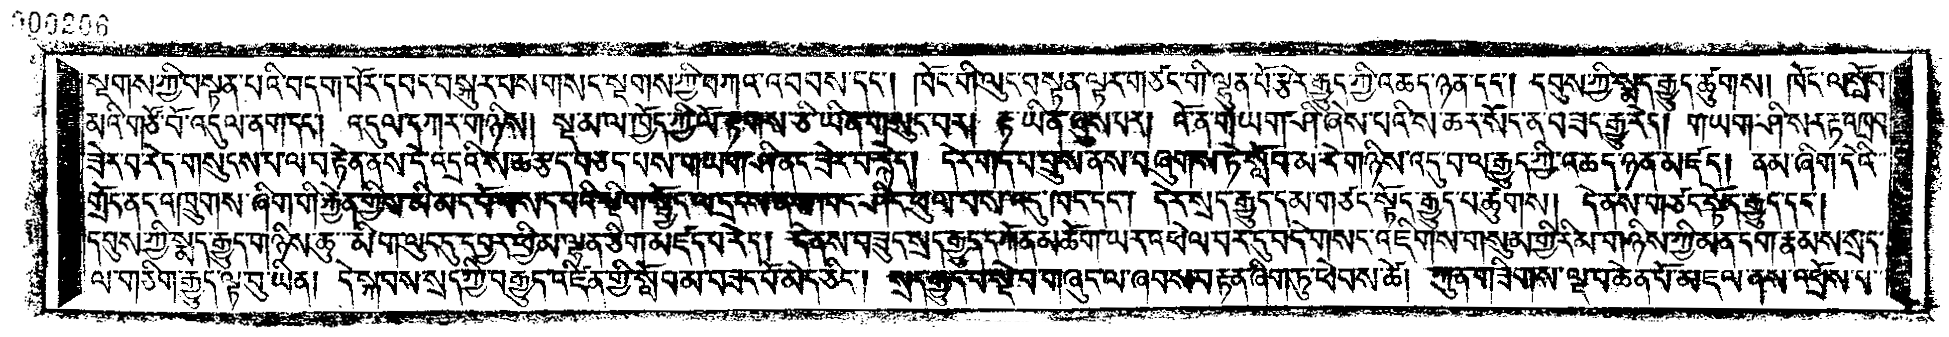སྔགས་ཀྱི་བསྟན་པའི་བདག་པོར་དབང་བསྐུར་པས་གསང་སྔགས་ཀྱི་བཀའ་འབབས་དང་། ཁོང་གི་ལུང་བསྟན་ལྟར་གཙང་གི་ལྷུན་པོ་རྩེར་རྒྱུད་ཀྱི་འཆད་ཉན་དང་། དབུས་ཀྱི་སྨད་རྒྱུད་ཚུགས། ཁོང་ལ་སློབ་
མའི་གཙོ་བོ་འདུལ་ནག་དང་། འདུལ་དཀར་གཉིས། སྔ་མ་ལ་ཁྱོད་ཀྱི་ལོ་རྟགས་ཅི་ཡིན་གསུང་བར། རྟ་ཡིན་ཞུས་བར། འོ་ན་གཡག་ཤི་ཞེས་པའི་ས་ཆར་སོང་ན་བཟང་རྒྱུ་རེད། གཡག་ཤི་སར་རྟ་འཁྲབ་
ཟེར་བ་རེད་གསུངས་པ་ལ་བརྟེན་ནས་དེ་འདྲའི་ས་ཆ་རྩད་བཅད་པས་གཡག་ཤི་ནང་ཟེར་བརྙེད། དེར་གད་པ་བྲུས་ནས་བཞུགས་ཏེ་སློབ་མ་རེ་གཉིས་འདུ་བ་ལ་རྒྱུད་ཀྱི་འཆད་ཉན་མཛད། ནམ་ཞིག་དེའི་
གྲོང་ནང་འཁྲུགས་ཞིག་གི་རྐྱེན་གྱིས་མི་མང་པོ་བསད་པའི་སྡིག་སྦྱོང་ལ་དྲངས་ནས་ཁང་ཤིང་ཕུལ་པས་འདུ་ཁང་དང་། དེར་སྲད་རྒྱུད་དམ་གཙང་སྟོད་རྒྱུད་པ་ཚུགས། དེ་ནས་གཙང་སྟོད་རྒྱུད་དང་།
དབུས་ཀྱི་སྨད་རྒྱུད་གཉིས་ཆུ་མིག་ལུང་དུ་དབྱར་ཕྱི་མ་ལྷན་ཅིག་མཛད་པ་རེད། དེ་ནས་བཟུང་སྲད་རྒྱུད་དཀོན་མཆོག་ཡར་འཕེལ་བར་དུ་བདེ་གསང་འཇིགས་གསུམ་གྱི་རིམ་གཉིས་ཀྱི་མན་ངག་རྣམས་སྲད་
ལ་གཅིག་རྒྱུད་ལྟ་བུ་ཡིན། དེ་སྐབས་སྲད་ཀྱི་བརྒྱུད་འཛིན་གྱི་སློབ་མ་བཟང་པོ་མེད་ཅིང་། སྲད་རྒྱུད་པ་སྡེ་བ་གཞུང་ལ་ཞབས་བརྟན་ཞིག་ཏུ་ཕེབས་ཚེ། ཀུན་གཟིགས་ལྔ་པ་ཆེན་པོ་མཇལ་ནས་འཕྲོས་པ་